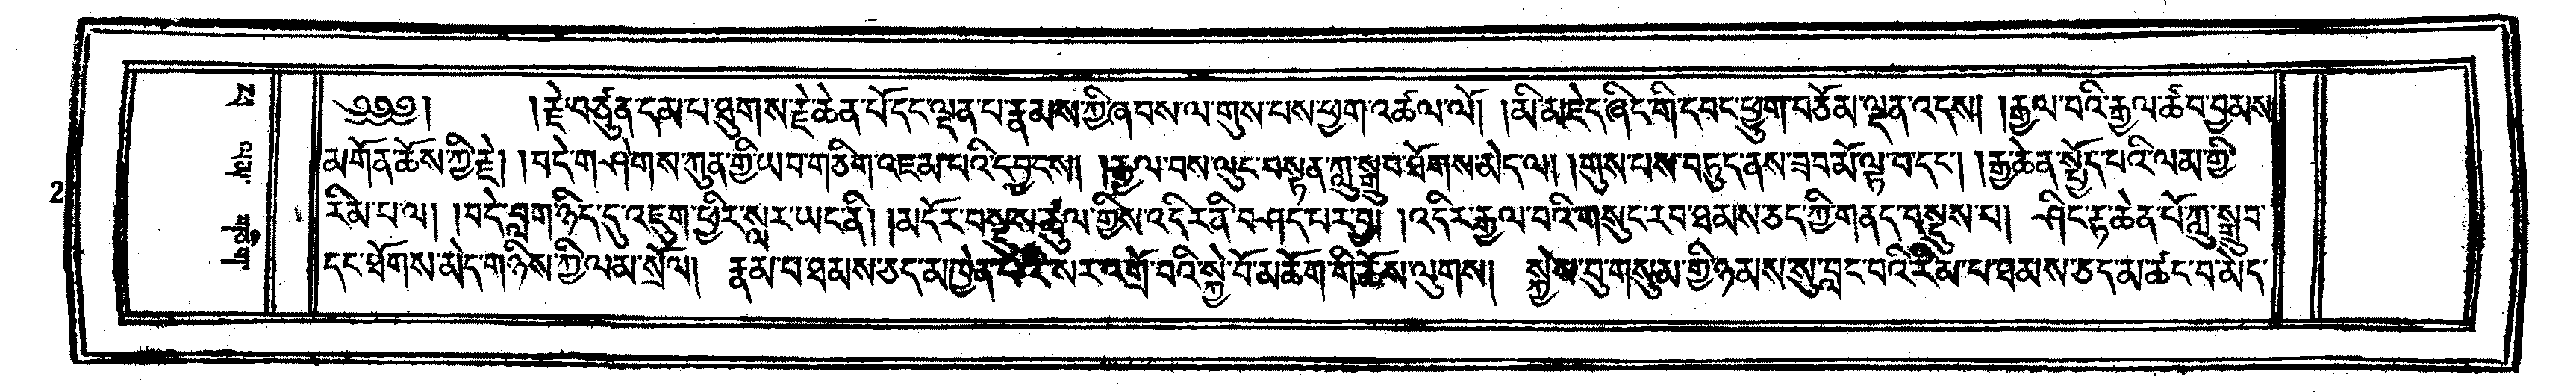༄༅། །བྱང་ཆུབ་ལམ་གྱི་རིམ་པ་བཞུགས་སོ། །
༠༠༡་༄༅༅། །རྗེ་བཙུན་དམ་པ་ཐུགས་རྗེ་ཆེན་པོ་དང་ལྡན་པ་རྣམས་ཀྱི་ཞབས་ལ་གུས་པས་ཕྱག་འཚལ་ལོ། །མི་མཇེད་ཞིང་གི་དབང་ཕྱུག་བཅོམ་ལྡན་འདས། །རྒྱལ་བའི་རྒྱལ་ཚབ་བྱམས་
མགོན་ཆོས་ཀྱི་རྗེ། །བདེ་གཤེགས་ཀུན་གྱི་ཡབ་གཅིག་འཇམ་པའི་དབྱངས། །རྒྱལ་བས་ལུང་བསྟན་ཀླུ་སྒྲུབ་ཐོགས་མེད་ལ། །གུས་པས་བཏུད་ནས་ཟབ་མོ་ལྟ་བ་དང་། །རྒྱ་ཆེན་སྤྱོད་པའི་ལམ་གྱི་
རིམ་པ་ལ། །བདེ་བླག་ཉིད་དུ་འཇུག་ཕྱིར་སླར་ཡང་ནི། །མདོར་བསྡུས་ཚུལ་གྱིས་འདིར་ནི་བཤད་པར་བྱ། །འདིར་རྒྱལ་བའི་གསུང་རབ་ཐམས་ཅད་ཀྱི་གནད་བསྡུས་པ། ཤིང་རྟ་ཆེན་པོ་ཀླུ་སྒྲུབ་
དང་ཐོགས་མེད་གཉིས་ཀྱི་ལམ་སྲོལ། རྣམ་པ་ཐམས་ཅད་མཁྱེན་པའི་སར་འགྲོ་བའི་སྐྱེ་བོ་མཆོག་གི་ཆོས་ལུགས། སྐྱེས་བུ་གསུམ་གྱི་ཉམས་སུ་བླང་བའི་རིམ་པ་ཐམས་ཅད་མ་ཚང་བ་མེད་